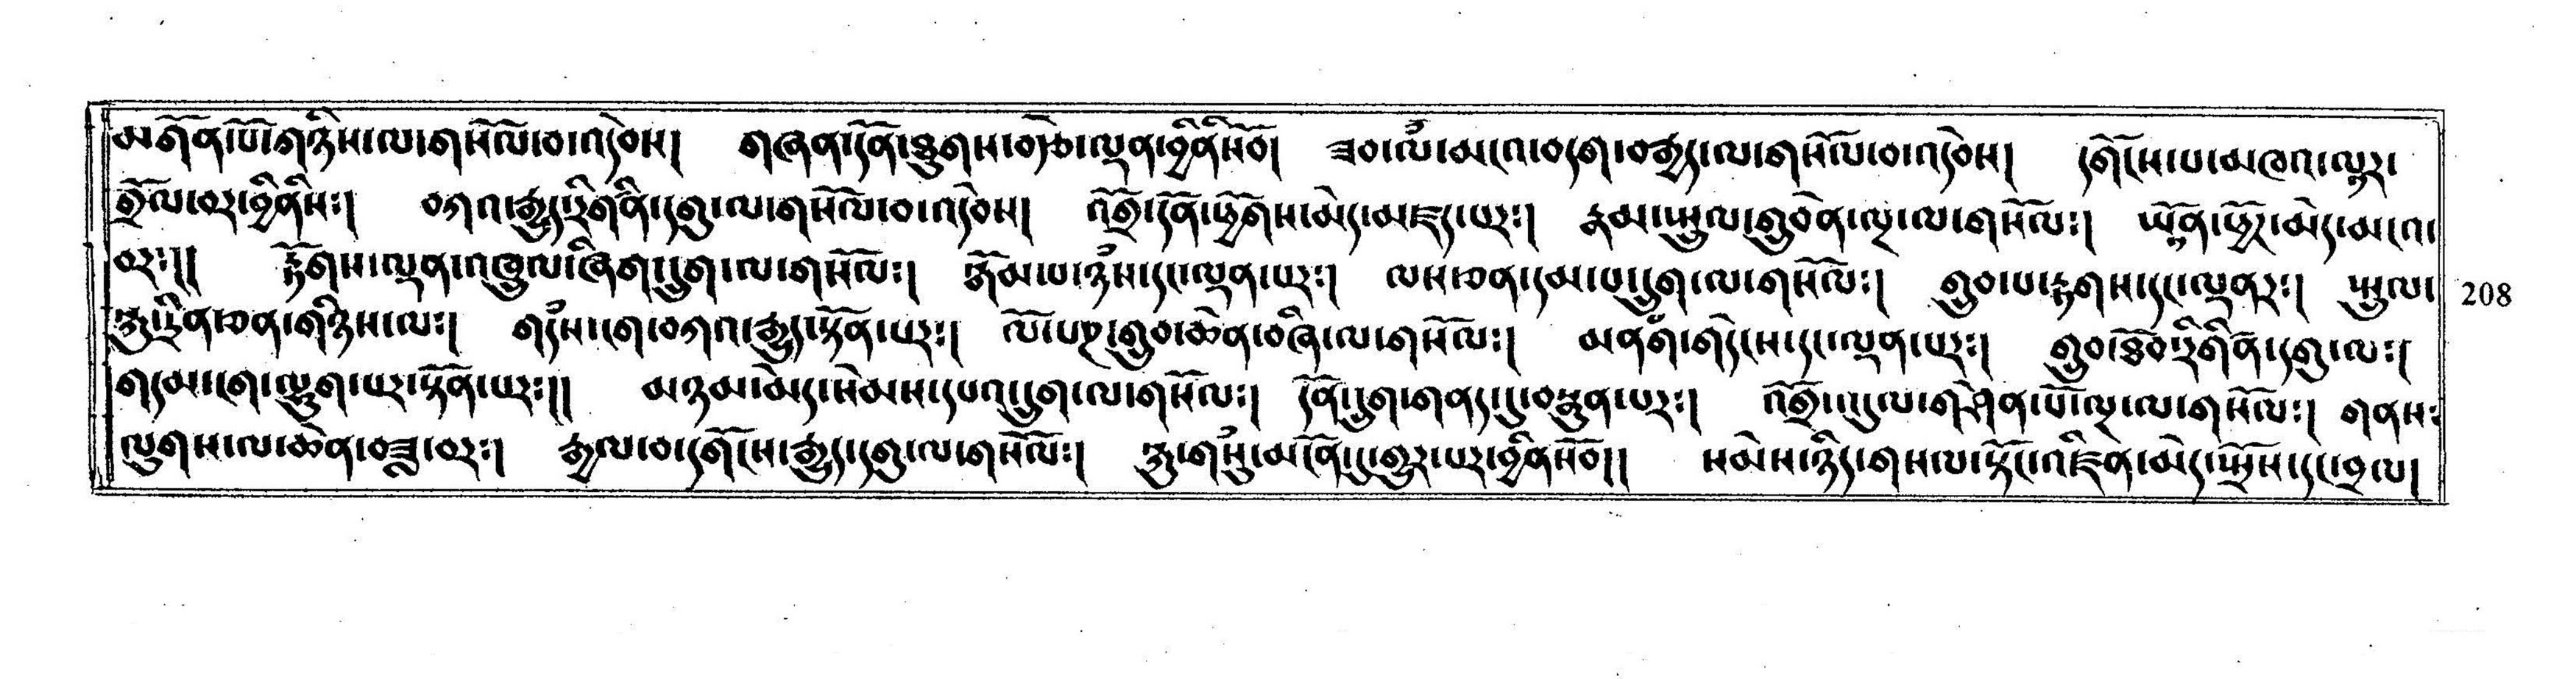མགོན་པོ་གཉིས་ལ་གསོལ་བ་འདེབས། གཞན་དོན་ཐུགས་བརྩེ་ལྡན་བྱིན་གྱིས་རློབས། ཟབ་ལམ་མངའ་བདག་བརྒྱད་ལ་གསོལ་བ་འདེབས། དགོངས་པ་མཁའ་ལྟར་
གྲོལ་བར་བྱིན་གྱིས་རློབས༴། བཀའ་རྒྱུད་རིག་འཛིན་དགུ་ལ་གསོལ་བ་འདེབས། འགྲོ་དོན་ཕྱོགས་མེད་མཛད་པར༴། རྣམ་སྤྲུལ་གྲུབ་ཆེན་ལྔ་ལ་གསོལ༴། ཡོན་ཏན་ཕྱོགས་མེད་མངའ་
བར༴།། རྟོགས་ལྡན་འཁྲུལ་ཞིག་དྲུག་ལ་གསོལ༴། སྒོམ་པ་ཉམས་དང་ལྡན་པར༴། ལས་ཅན་དམ་པ་དྲུག་ལ་གསོལ༴། གྲུབ་པ་རྟགས་དང་ལྡན་པར༴། སྤྲུལ་
སྐུ་དྲིན་ཅན་གཉིས་ལ༴། གདམས་ངག་བཀའ་རྒྱུད་སྟོན་པར༴། ལོ་པཎ་གྲུབ་ཆེན་བཞི་ལ་གསོལ༴། མན་ངག་གདེངས་དང་ལྡན་པར༴། གྲུབ་ཐོབ་རིག་འཛིན་དགུ་ལ༴། 
གདམ་ངག་ལྷུག་པར་སྟོན་པར༴།། མཉམ་མེད་སེམས་དཔའ་དྲུག་ལ་གསོལ༴། དོན་དྲུག་གནད་དུ་བསྣུན་པར༴། འགྲོ་འདུལ་གཤེན་པོ་ལྔ་ལ་གསོལ༴། གནས་
ལུགས་ལ་ཆེན་བཟླ་བར༴། རྒྱལ་བ་དགོངས་རྒྱུད་དགུ་ལ་གསོལ༴། སྐུ་གསུམ་མངོན་དུ་གྱུར་པར་བྱིན་གྱིས་རློབས། སེམས་ཉིད་གསལ་སྟོང་འཛིན་མེད་སྤྲོས་དང་བྲལ།